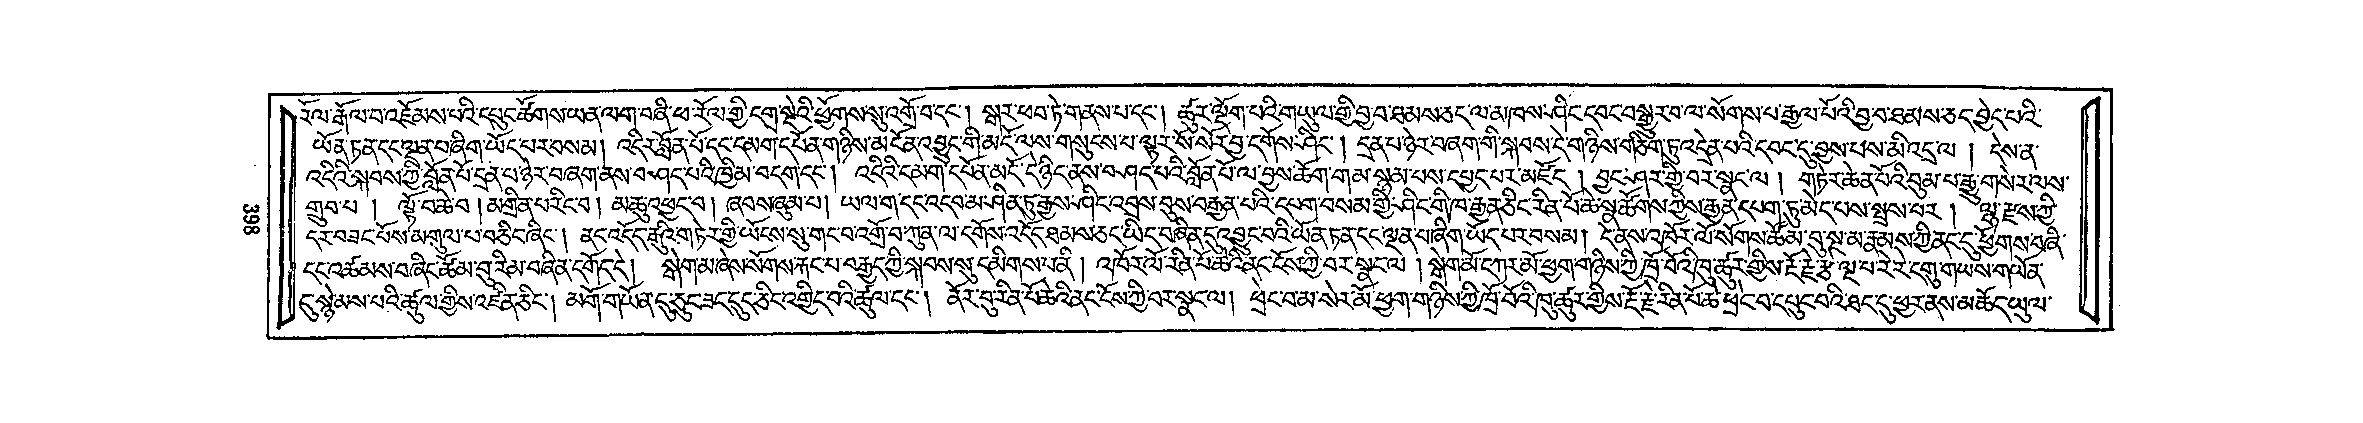རོལ་རྒོལ་བ་འཇོམས་པའི་དཔུང་ཚོགས་ཡན་ལག་བཞི་ཕ་རོལ་གྱི་དགྲ་སྡེའི་ཕྱོགས་སུ་འགྲོ་བ་དང་། སྒར་ཕབ་ཏེ་གནས་པ་དང་། ཚུར་ལྡོག་པའི་གཡུལ་གྱི་བྱ་བ་ཐམས་ཅད་ལ་མཁས་ཤིང་དབང་བསྒྱུར་བ་ལ་སོགས་པ་རྒྱལ་པོའི་བྱ་བ་ཐམས་ཅད་བྱེད་པའི་
ཡོན་ཏན་དང་ལྡན་པ་ཞིག་ཡོད་པར་བསམ། འདིར་བློན་པོ་དང་དམག་དཔོན་གཉིས་མངོན་འབྱུང་གི་མདོ་ལས་གསུངས་པ་ལྟར་སོ་སོར་བྱ་དགོས་ཤིང་། དྲན་པ་ཉེར་བཞག་གི་སྐབས་དེ་གཉིས་གཅིག་ཏུ་འདྲེན་པའི་དབང་དུ་བྱས་པས་མི་འདྲ་ལ། དེས་ན་
འདིའི་སྐབས་ཀྱི་བློན་པོ་དྲན་པ་ཉེར་བཞག་ནས་བཤད་པའི་ཁྱིམ་བདག་དང་། འདིའི་དམག་དཔོན་མདོ་དེ་ཉིད་ནས་བཤད་པའི་བློན་པོ་ལ་བྱས་ཆོག་གམ་སྙམ་པས་དཔྱད་པར་མཛོད། བྱང་ཤར་གྱི་བར་སྣང་ལ། གཏེར་ཆེན་པོའི་བུམ་པ་རྒྱུ་གསེར་ལས་
གྲུབ་པ། ལྟོ་བ་ཆེ་བ། མགྲིན་པ་རིང་བ། མཆུ་འཕྱད་པ། ཞབས་ཞུམ་པ། ཡལ་ག་དང་འདབ་མ་ཤིན་ཏུ་རྒྱས་ཤིང་འབྲས་བུས་བརྒྱན་པའི་དཔག་བསམ་གྱི་ཤིང་གི་ཁ་རྒྱན་ཅིང་རིན་པོ་ཆེ་སྣ་ཚོགས་ཀྱིས་རྒྱན་དཔག་ཏུ་མེད་པས་སྤྲས་པར། ལྷ་རྫས་ཀྱི་
དར་བཟང་པོས་མགུལ་པ་བཅིང་ཞིང་། ནང་འདོད་རྒུའི་གཏེར་གྱི་ཡོངས་སུ་གང་བ་འགྲོ་བ་ཀུན་ལ་དགོས་འདོད་ཐམས་ཅད་ཡིད་བཞིན་དུ་འབྱུང་བའི་ཡོན་ཏན་དང་ལྡན་པ་ཞིག་ཡོད་པར་བསམ། དེ་ནས་འཁོར་ལོ་སོགས་ཚོམ་བུ་སྔ་མ་རྣམས་ཀྱི་ནང་དུ་ཕྱོགས་བཞི་
དང་འཚམས་བཞིང་ཚོམ་བུ་རིམ་བཞིན་དགོད་དེ། སྒེག་མ་ཞེས་སོགས་རྐང་པ་བརྒྱད་ཀྱི་སྐབས་སུ་དམིགས་པ་ནི། འཁོར་ལོ་རིན་པོ་ཆེའི་ནང་ངོས་ཀྱི་བར་སྣང་ལ། སྒེག་མོ་དཀར་མོ་ཕྱག་གཉིས་ཀྱི་ཁྲོ་བོའི་ཁུ་ཚུར་གྱིས་རྡོ་རྗེ་རྩེ་ལྔ་པ་རེ་རེ་དགུ་གཡས་གཡོན་
དུ་སྙེམས་པའི་ཚུལ་གྱིས་འཛིན་ཅིང་། མགོ་གཡོན་དུ་ཅུང་ཟད་དུད་ཅིང་འགྱིད་བའི་ཚུལ་དང་། ནོར་བུ་རིན་པོ་ཆེའི་ནང་ངོས་ཀྱི་བར་སྣང་ལ། ཕྲེང་བ་མ་སེར་མོ་ཕྱག་གཉིས་ཀྱི་ཁྲོ་བོའི་ཁུ་ཚུར་གྱིས་རྡོ་རྗེ་རིན་པོ་ཆེ་ཕྲེང་བ་དཔུང་བའི་ཐང་དུ་ཕྱར་ནས་མཆོད་ཡུལ་